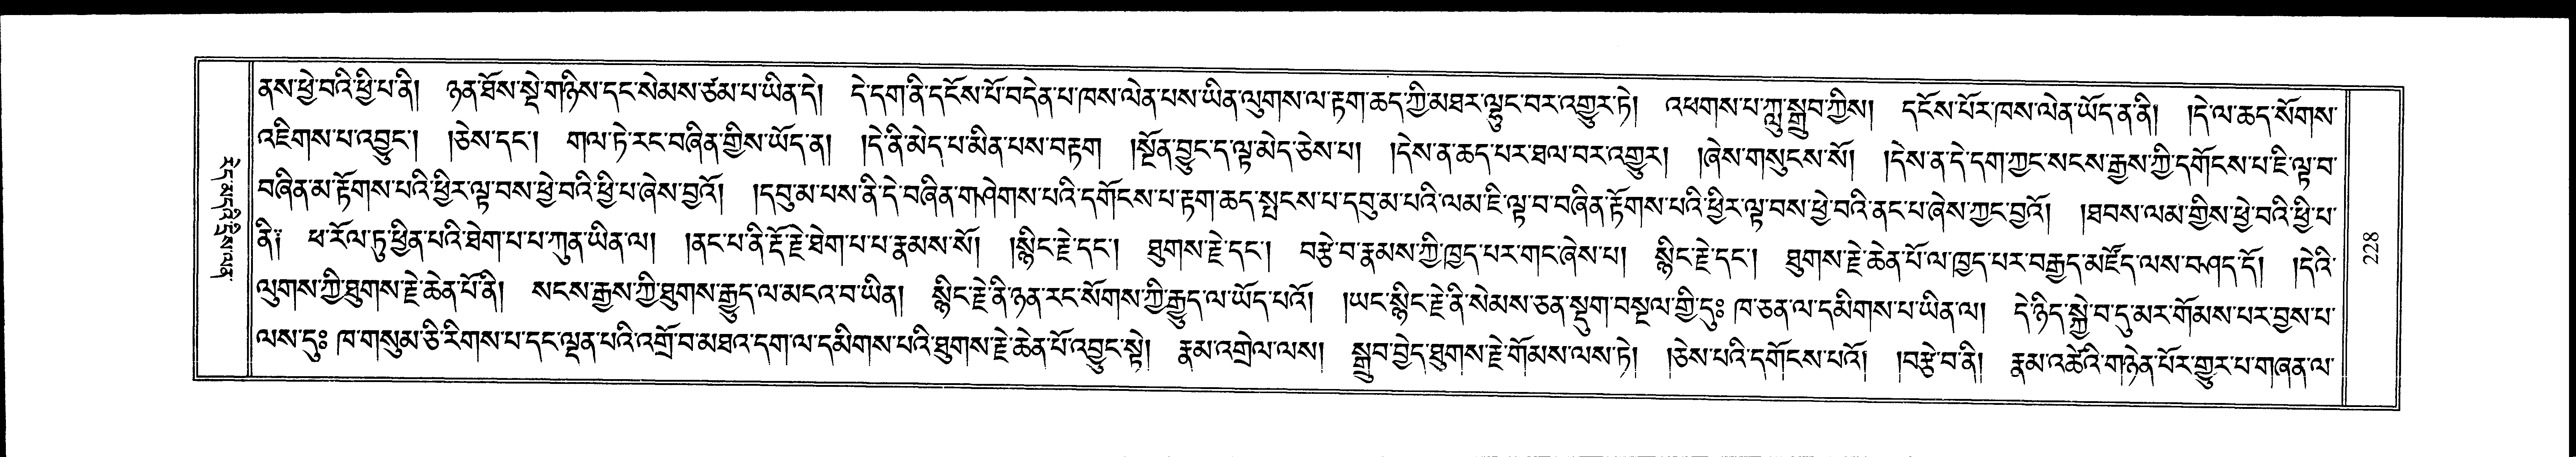ནས་ཕྱེ་བའི་ཕྱི་པ་ནི། ཉན་ཐོས་སྡེ་གཉིས་དང་སེམས་ཙམ་པ་ཡིན་དེ། དེ་དག་ནི་དངོས་པོ་བདེན་པ་ཁས་ལེན་པས་ཡིན་ལུགས་ལ་རྟག་ཆད་ཀྱི་མཐར་ལྷུང་བར་འགྱུར་ཏེ། འཕགས་པ་ཀླུ་སྒྲུབ་ཀྱིས། དངོས་པོར་ཁས་ལེན་ཡོད་ན་ནི། །དེ་ལ་ཆད་སོགས་
འཇིགས་པ་འབྱུང་། །ཅེས་དང་། གལ་ཏེ་རང་བཞིན་གྱིས་ཡོད་ན། །དེ་ནི་མེད་པ་མིན་པས་བརྟག །སྔོན་བྱུང་ད་ལྟ་མེད་ཅེས་པ། །དེས་ན་ཆད་པར་ཐལ་བར་འགྱུར། །ཞེས་གསུངས་སོ། །དེས་ན་དེ་དག་ཀྱང་སངས་རྒྱས་ཀྱི་དགོངས་པ་ཇི་ལྟ་བ་
བཞིན་མ་རྟོགས་པའི་ཕྱིར་ལྟ་བས་ཕྱེ་བའི་ཕྱི་པ་ཞེས་བྱའོ། །དབུ་མ་པས་ནི་དེ་བཞིན་གཤེགས་པའི་དགོངས་པ་རྟག་ཆད་སྤངས་པ་དབུ་མ་པའི་ལམ་ཇི་ལྟ་བ་བཞིན་རྟོགས་པའི་ཕྱིར་ལྟ་བས་ཕྱེ་བའི་ནང་པ་ཞེས་ཀྱང་བྱའོ། །ཐབས་ལམ་གྱིས་ཕྱེ་བའི་ཕྱི་པ་
ནི། ཕ་རོལ་ཏུ་ཕྱིན་པའི་ཐེག་པ་པ་ཀུན་ཡིན་ལ། །ནང་པ་ནི་རྡོ་རྗེ་ཐེག་པ་པ་རྣམས་སོ། །སྙིང་རྗེ་དང་། ཐུགས་རྗེ་དང་། བརྩེ་བ་རྣམས་ཀྱི་ཁྱད་པར་གང་ཞེས་པ། སྙིང་རྗེ་དང་། ཐུགས་རྗེ་ཆེན་པོ་ལ་ཁྱད་པར་བརྒྱད་མཛོད་ལས་བཤད་དོ། །དེའི་
ལུགས་ཀྱི་ཐུགས་རྗེ་ཆེན་པོ་ནི། སངས་རྒྱས་ཀྱི་ཐུགས་རྒྱུད་ལ་མངའ་བ་ཡིན། སྙིང་རྗེ་ནི་ཉན་རང་སོགས་ཀྱི་རྒྱུད་ལ་ཡོད་པའོ། །ཡང་སྙིང་རྗེ་ནི་སེམས་ཅན་སྡུག་བསྔལ་གྱི་དུཿ ཁ་ཅན་ལ་དམིགས་པ་ཡིན་ལ། དེ་ཉིད་སྐྱེ་བ་དུ་མར་གོམས་པར་བྱས་པ་
ལས་དུཿ ཁ་གསུམ་ཅི་རིགས་པ་དང་ལྡན་པའི་འགྲོ་བ་མཐའ་དག་ལ་དམིགས་པའི་ཐུགས་རྗེ་ཆེན་པོ་འབྱུང་སྟེ། རྣམ་འགྲེལ་ལས། སྒྲུབ་བྱེད་ཐུགས་རྗེ་གོམས་ལས་ཏེ། །ཅེས་པའི་དགོངས་པའོ། །བརྩེ་བ་ནི། རྣམ་འཚེའི་གཉེན་པོར་གྱུར་པ་གཞན་ལ་